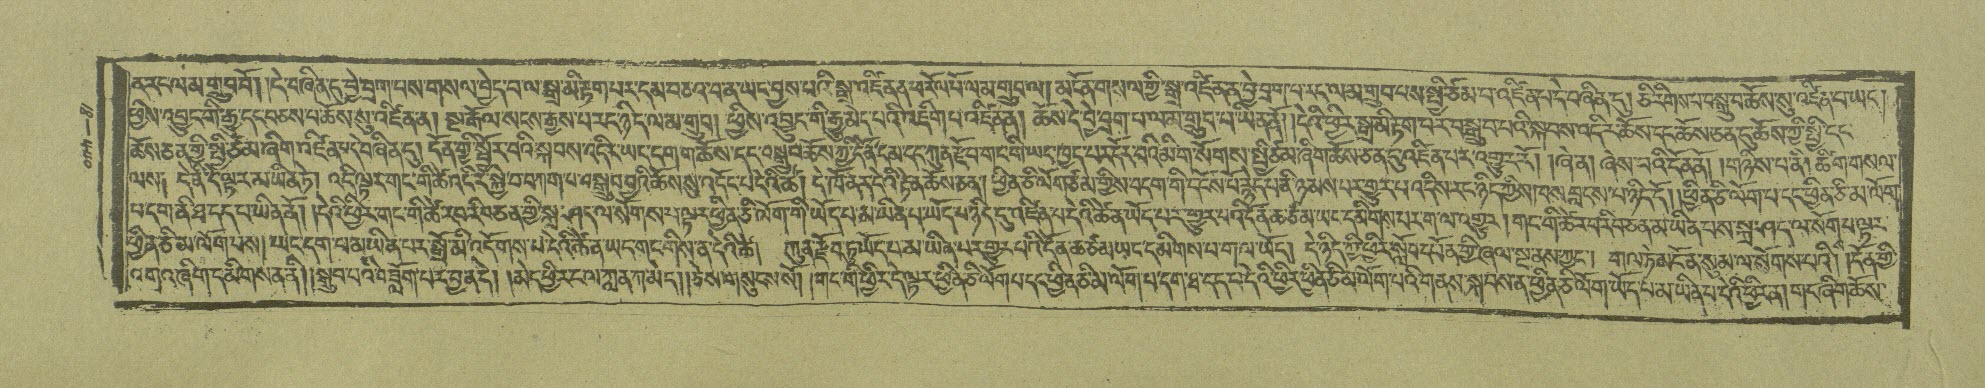ན་རང་ལམ་གྲུབ་བོ། །དེ་བཞིན་དུ་བྱེ་བྲག་པས་གསལ་བྱེད་པ་ལ་སྒྲ་མི་རྟག་པར་དམ་བཅའ་བ་ན་ཡང་བྱས་པའི་སྒྲ་འཛིན་ན་ཕ་རོལ་པོ་ལ་མ་གྲུབ་ལ། མངོན་གསལ་གྱི་སྒྲ་འཛིན་ན་བྱེ་བྲག་པ་རང་ལམ་གྲུབ་པས་སྤྱི་ཙམ་པ་འཛིན་པ་དེ་བཞིན་དུ། ཅི་རིགས་པ་བསྒྲུབ་པ་ཆོས་སུ་འཛིན་པ་ཡང་
ཕྱིས་འབྱུང་གི་རྒྱུ་དང་བཅས་པ་ཆོས་སུ་འཛིན་ན། སྔ་རྒོལ་སངས་རྒྱས་པ་རང་ཉིད་ལམ་གྲུབ། ཕྱིས་འབྱུང་གི་རྒྱུ་མེད་པའི་འཇིག་པ་འཛིན་ན། ཆོས་དེ་བྱེ་བྲག་པ་ལ་མ་གྲུབ་པ་ཡིན་ནོ། །དེའི་ཕྱིར་སྒྲ་མི་རྟག་པར་བསྒྲུབ་པའི་སྐབས་འདིར་ཆོས་དང་ཆོས་ཅན་དུ་ཆོས་ཀྱི་སྤྱི་དང་
ཆོས་ཅན་གྱི་སྤྱི་ཙམ་ཞིག་འཛིན་པ་དེ་བཞིན་དུ། དོན་གྱི་སྦྱོར་བའི་སྐབས་འདིར་ཡང་དགག་ཆོས་དང་བསྒྲུབ་ཆོས་ཀྱི་དོན་དམ་དང་ཀུན་རྫོབ་གང་གི་ཡང་ཁྱད་པར་དོར་བའི་མིག་སོགས་སྤྱི་ཙམ་ཞིག་ཆོས་ཅན་དུ་འཛིན་པར་འགྱུར་རོ། །ཞེ་ན། ཞེས་པའི་དོན་ནོ། །གཉིས་པ་ནི། ཚིག་གསལ་
ལས། དེ་ནི་དེ་ལྟར་མ་ཡིན་ཏེ། འདི་ལྟར་གང་གི་ཚེ་འདིར་སྐྱེ་བ་བཀག་པ་བསྒྲུབ་བྱའི་ཆོས་སུ་འདོད་པ་དེའི་ཚེ། དེ་ཁོ་ནར་དེའི་རྟེན་ཆོས་ཅན། ཕྱིན་ཅི་ལོག་ཙམ་གྱིས་བདག་གི་དངོས་པོ་རྙེད་པ་ནི་ཉམས་པར་གྱུར་པ་འདིས་རང་ཉིད་ཀྱིས་ཁས་བླངས་པ་ཉིད་དོ། །ཕྱིན་ཅི་ལོག་པ་དང་ཕྱིན་ཅི་མ་ལོག་
པ་དག་ནི་ཐ་དད་པ་ཡིན་ནོ། །དེའི་ཕྱིར་གང་གི་ཚེ་རབ་རིབ་ཅན་གྱི་སྐྲ་ཤད་ལ་སོགས་པ་ལྟར་ཕྱིན་ཅི་ལོག་གི་ཡོད་པ་མ་ཡིན་པ་ཡོད་པ་ཉིད་དུ་འཛིན་པ་དེའི་ཚེ་ན་ཡོད་པར་གྱུར་པའི་དོན་ཆ་ཙམ་ཡང་དམིགས་པར་ག་ལ་འགྱུར། གང་གི་ཚེ་རབ་རིབ་ཅན་མ་ཡིན་པས་སྐྲ་ཤད་ལ་སོགས་པ་ལྟར་
ཕྱིན་ཅི་མ་ལོག་པས། ཡང་དག་པ་མ་ཡིན་པར་སྒྲོ་མི་འདོགས་པ་དེའི་ཆེ་ན་ཡང་གང་གིས་ན་དེའི་ཚེ། ཀུན་རྫོབ་ཏུ་ཡོད་པ་མ་ཡིན་པར་གྱུར་བའི་དོན་ཆ་ཙམ་ཡང་དམིགས་པ་ག་ལ་ཡོད། དེ་ཉིད་ཀྱི་ཕྱིར་སློབ་དཔོན་གྱི་ཞལ་སྔ་ནས་ཀྱང་། གལ་ཏེ་མངོན་སུམ་ལ་སོགས་པའི། །དོན་གྱི་
འགའ་ཞིག་དམིགས་ན་ནི། །སྒྲུབ་པའི་བཟློག་པར་བྱ་ན་དེ། །མེད་ཕྱིར་ང་ལ་ཀླན་ཀ་མེད། །ཅེས་གསུངས་སོ། །གང་གི་ཕྱིར་དེ་ལྟར་ཕྱིན་ཅི་ལོག་པ་དང་ཕྱིན་ཅི་མ་ལོག་པ་དག་ཐ་དད་པ་དེའི་ཕྱིར་ཕྱིན་ཅི་མ་ལོག་པའི་གནས་སྐབས་ན་ཕྱིན་ཅི་ལོག་ཡོད་པ་མ་ཡིན་པ་དེའི་ཕྱིར་ན། གང་ཞིག་ཆོས་